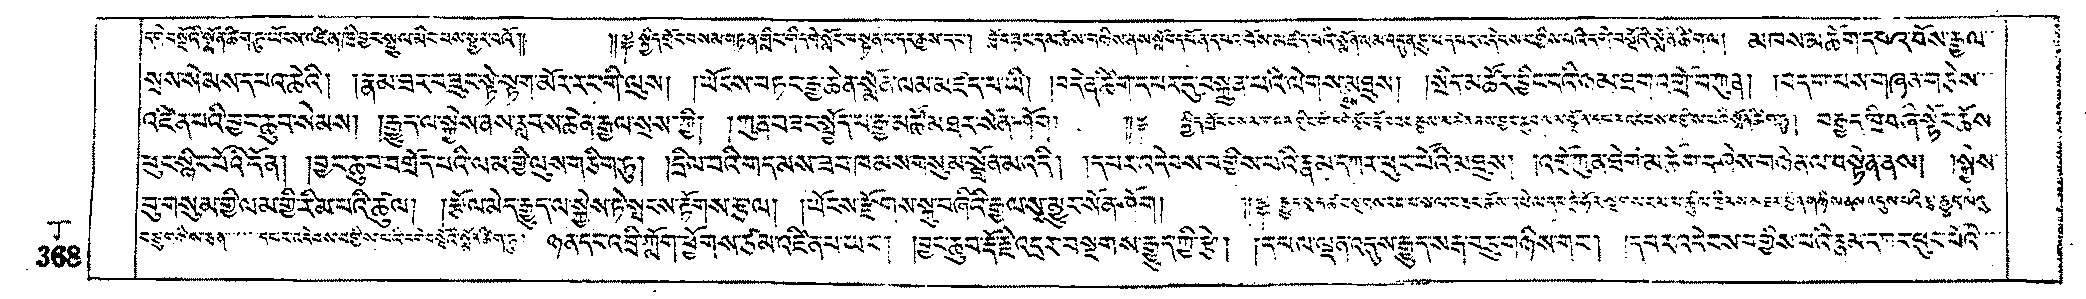དགེ་བསྔོའི་སྨོན་ཚིགས་ཏུ་ཡོངས་འཛིན་ཁྲི་བྱང་སྤྲུལ་མིང་པས་སྦྱར་བའོ།། །། འ་སྐྱིད་གྲོང་བསམ་གཏན་གླིང་གི་དགེ་སློང་བསྟན་པ་དར་རྒྱས་དང་། བློ་བཟང་དམ་ཆོས་གཉིས་ནས་སློབ་དཔོན་དཔའི་བོས་མཛད་པའི་སྨོན་ལམ་བདུན་ཏུ་པ་དཔར་འདེབས་བགྱིས་པའི་དགེ་བསྔོའི་སྨོན་ཚིག་ལ།  མཁས་མཆོག་དཔའ་བོས་རྒྱལ་་་
སྲས་སེམས་དཔའ་ཆེའི། །རྣམ་ཐར་བཟུང་སྟེ་སྟག་མོར་རང་གི་ལུས། །ཡོངས་བཏང་རྒྱ་ཆེན་སྨོན་ལམ་མཛད་པ་ཡིས། །བདེན་ཚིག་དཔར་དུ་བསྐྲུན་པའི་ལེགས་བུས་མཐུས། །སྲིད་མཚོར་བྱིང་བའི་ཉམ་ཐག་འགྲོ་བ་ཀུན། །བདག་པས་གཞན་གཅེས་་་
འཛིན་པའི་བྱང་ཆུབ་སེམས། །རྒྱུད་ལ་སྐྱེས་ནས་རླབས་ཆེན་རྒྱལ་སྲས་ཀྱི། །ཀུན་བཟང་སྤྱོད་པ་རྒྱ་མཚོ་མཐར་སོན་ཤོག ། །། འ་སྐྱིད་གྲོང་བསམ་གཏན་གླིང་གི་དགེ་སློང་བློ་བཟང་རྒྱལ་མཚན་ནས་བྱང་ཆུབ་ལམ་སྒྲོན་དཔར་འདེབས་བགྱིས་པའི་སྨོན་ཚིག་ཏུ།  བརྒྱད་ཁྲི་བཞི་སྟོང་ཆོས་
ཕུང་སྙིང་པོའི་དོན། །བྱང་ཆུབ་བགྲོད་པའི་ལམ་གྱི་ལུས་གཅིག་ཏུ། །དྲིལ་བའི་གདམས་ཟབ་ཁམས་གསུམ་སྒྲོན་མ་འདི། །དཔར་འདེབས་བགྱིས་པའི་རྣམ་དཀར་ཕུང་པོའི་མཐུས། །འགྲོ་ཀུན་ཐེག་མཆོག་བཤེས་གཉེན་ལ་བསྟེན་ནས། །སྐྱེས་
བུ་གསུམ་གྱི་ལམ་གྱི་རིམ་པའི་ཚུལ། །རྩོ་ལ་མེད་རྒྱུད་ལ་སྐྱེས་ཏེ་སྤང་རྟོགས་རྩལ། །ཡོངས་རྫོགས་སྐུ་བཞིའི་རྒྱལ་སར་མྱུར་སོན་ཤོག ། །། འ་རྒྱུད་སྨད་ཚ་བསྔགས་རབ་པ་སྐལ་བཟང་ཆོས་འཕེལ་དང་ཏྲེ་ཧོར་སྔགས་རམ་པ་ཚུལ་ཁྲིམས་མཐར་ཕྱིན་གཉིས་ནས་འདུས་པའི་རྩ་རྒྱུད་ལེའུ་
བཅུ་གཉིས་ཅན་དཔར་འདེབས་བགྱིས་པའི་དགེ་བསྔོའི་སྨོན་ཚིག་ཏུ། ཉན་དང་འབྲི་ཀློག་ཕྱོགས་ཙམ་འཛིན་པ་ཡང་། །བྱང་ཆུབ་རྡོ་རྗེ་འདྲར་བསྔགས་རྒྱུད་ཀྱི་རྩེ། །དཔལ་ལྡན་འདུས་རྒྱུད་སརྒ་བཅུ་གཉིས་གང་། །དཔར་འདེབས་བགྱིས་པའི་རྣམ་དཀར་ཕུང་པོའི་་་